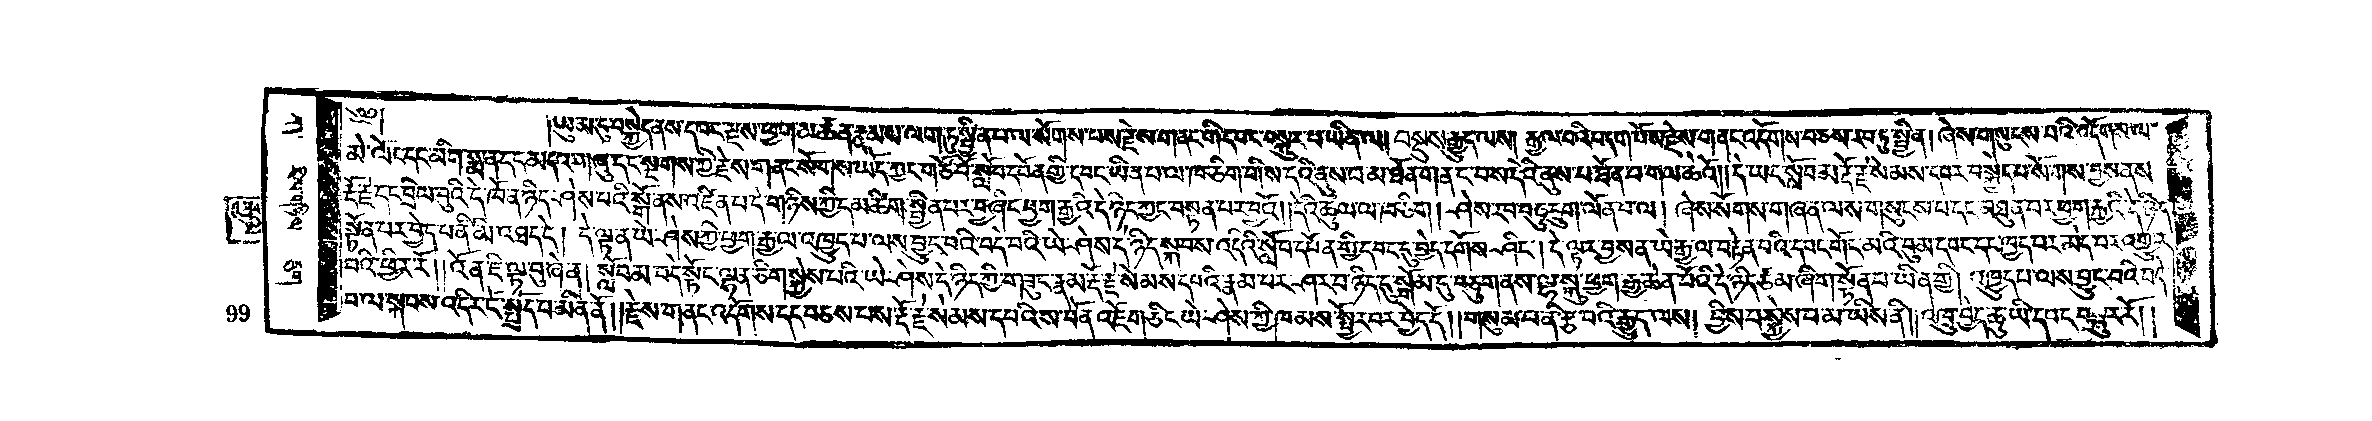༄༅། །ཡུམ་དུ་བསྐྱེད་ནས་དབང་རྫས་ཕྱག་མཚན་རྣམས་ལག་ཏུ་སྦྱིན་པ་ལ་སོགས་པས་རྗེས་གནང་གི་དབང་བསྐུར་བ་ཡིན་ལ། བསྡུས་རྒྱུད་ལས། རྒྱལ་བའི་བདག་པོས་རྗེས་གནང་འདོགས་བཅས་རབ་ཏུ་སྦྱིན། ཞེས་གསུངས་པའི་འདོགས་ལ་
མེ་ལོང་དང་མིག་སྨན་དང་མདའ་གཞུ་དང་སྔགས་ཀྱི་རྗེས་གནང་སོགས་ཡོད་ཀྱང་གཙོ་བོ་སློབ་དཔོན་གྱི་དབང་ཡིན་པ་ལ་ཁ་ཅིག་གིས་དེའི་ནུས་པ་མཐོན་གནང་བས་དེའི་ནུས་པ་ཐོན་པ་གལ་ཆེའོ། །དེ་ཡང་སློབ་མ་རྡོ་རྗེ་སེམས་དཔར་བསྐྱེད་པ་སོགས་བྱས་ནས་
རྡོ་རྗེ་དང་བྲིལ་བུའི་དེ་ཁོ་ན་ཉིད་ཤེས་པའི་སྒོ་ནས་འཛིན་པ་དེ་གཉིས་ཀྱི་དམ་ཚིག་སྦྱིན་པར་བྱ་ཞིང་ཕྱག་རྒྱའི་དེ་ཉིད་ཀྱང་བསྟན་པར་བྱའོ། །དེའི་ཚུལ་ལ་ཁ་ཅིག །ཤེས་རབ་བཅུ་དྲུག་ལོན་པ་ལ། ཞེས་སོགས་གཞན་ལས་གསུངས་པ་དང་མཐུན་པར་ཕྱག་རྒྱའི་དེ་ཉིད་
སྟོན་པར་བྱེད་པ་ནི་མི་འཐད་དེ། དེ་ལྟ་ན་ཡེ་ཤེས་ཀྱི་ཕྱག་རྒྱ་ལ་འཁྱུད་པ་ལས་བྱུང་བའི་བདེ་བའི་ཡེ་ཤེས་དེ་ཉིད་སྐབས་འདིའི་སློབ་དཔོན་གྱི་དབང་དུ་བྱེད་དགོས་ཤིང་། དེ་ལྟར་བྱས་ན་ཡེ་རྒྱ་ལ་བརྟེན་པའི་དབང་གོང་མའི་བུམ་དབང་དང་ཁྱད་པར་མེད་པར་འགྱུར་
བའི་ཕྱིར་རོ། །འོ་ན་ཇི་ལྟ་བུ་ཞེ་ན། སློབ་མ་བདེ་སྟོང་ལྷན་ཅིག་སྐྱེས་པའི་ཡེ་ཤེས་དེ་ཉིད་ཀྱི་གཟུང་རྣམ་རྡོ་རྗེ་སེམས་དཔའི་རྣམ་པར་ཤར་བ་ཉིད་དུ་སྒོམ་དུ་བཅུག་ནས་ལྷ་སྐུ་ཕྱག་རྒྱ་ཆེན་པོའི་དེ་ཉིད་ཙམ་ཞིག་སྟོན་པ་ཡིན་གྱི། འཁྱུད་པ་ལས་བྱུང་བའི་བདེ་
བ་ལ་སྐབས་འདིར་ངོ་སྤྲོད་པ་མིན་ནོ། །རྗེས་གནང་འདོགས་དང་བཅས་པས་རྡོ་རྗེ་སེམས་དཔའི་ས་བོན་འཇོག་ཅིང་ཡེ་ཤེས་ཀྱི་ཁམས་སྦྱོར་བར་བྱེད་དོ། །གསུམ་པ་ནི་རྩ་བའི་རྒྱུད་ལས། བྱིས་པ་སྐྱེས་པ་མ་ཡིས་ནི། །འཁྲུ་བྱེད་ཆུ་ཡི་དབང་བསྐུར་རོ། །